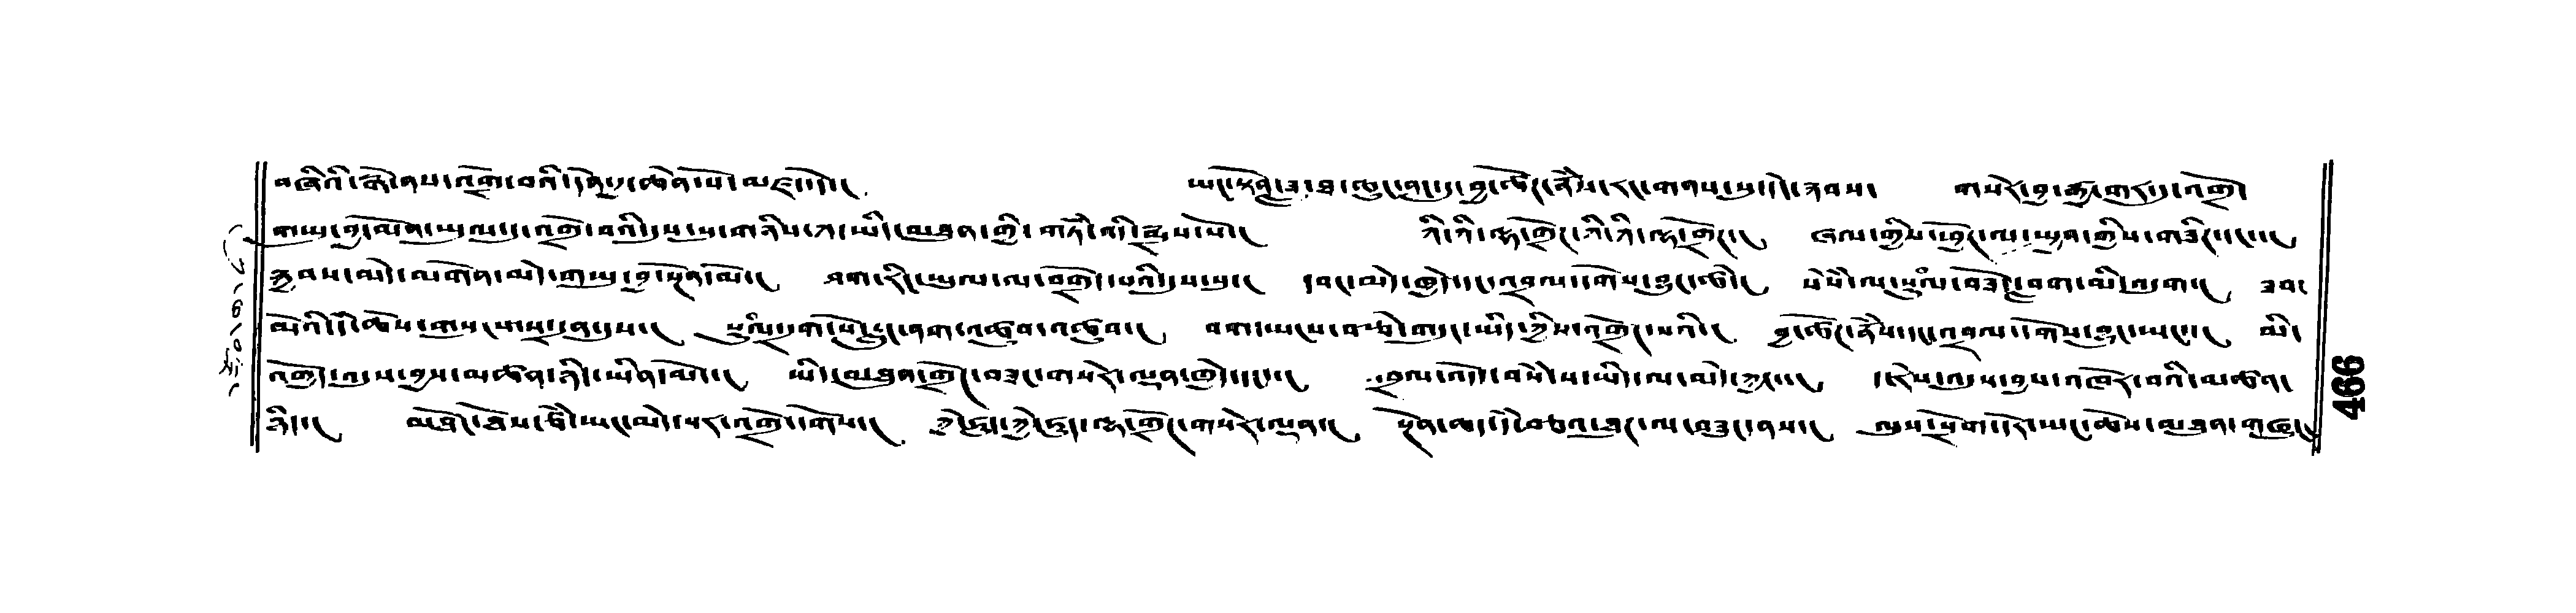བཞིའི་སྒོ་ནས་འགྲོ་བའི་དོན་རྒྱ་ཆེན་པོ་མཛད་དོ།། ཡང་སྟོན་ཟླ་ཐ་ཆུང་ནང་དུ་བྱ་ཚོགས་རྣམས་རང་གནས་སུ་དེངས་སྐབས། གསེར་བྱ་རྒྱ་གར་དུ་འགྲོ། 
གཡུ་བྱ་མོན་ཡུལ་དུ་འགྲོ་བའི་དུས་སུ་གཉིས་ཀ་ཡིད་མཐུན་གྱི་གཏམ་འདི་སྨྲས་སོ། ཀི་ཀི་ལྷ་གྲོགས་ཀི་ཀི་ལྷ་གྲོགས། །ཞལ་གྱིས་ཕྱོགས་ལ་སྤྱན་གྱིས་གཟིགས་དང་། །
སྐྱབས་མེད་མགོན་མེད་གཡུ་བྱ་སྔོན་མོ། །ཐག་རིང་ཡུལ་ལ་བགྲོད་པའི་དུས་སུ། །དབང་མེད་ཁྱེད་དང་འབྲལ་དགོས་བྱུང་ཚེ། །སེམས་ལ་སྡུག་བསྔལ་བཟོད་བླག་མི་འདུག །ཟབ་
མོའི་དམ་ཆོས་གསུངས་པ་དྲན་དུས། །སྡུག་བསྔལ་དྲག་པོ་རླུང་ནག་འཚུབ་འཚུབ། །བག་ཡངས་བརྩེ་གདུང་ཡིད་ཀྱིས་འགྲོགས་པའི། །བྱ་ཚོགས་རྣམས་དང་འབྲལ་དགོས་བྱུང་ཡང་། །མི་
འགྱོད་འདུས་བྱས་མཚན་ཉིད་ཡིན་མོད། །ཡིད་མཐུན་གྲོགས་བཟང་གསེར་ལྡན་ཁྱེད་དང་། །འབྲལ་འདོད་བསམ་པ་ཡིད་ལ་མེད་ཀྱང་། །ད་རེས་འདུས་བྱས་འཁོར་བའི་མཚན་
ཉིད། །མཐོང་ཐོས་ཙམ་ཡང་མེད་པར་འགྲོ་དགོས། །ཀྱེ་ཧུད་ཀྱེ་ཧུད་ལྷ་གྲོགས་གསེར་ལྡན། །སྔོན་ཆད་དམ་བཅའ་ཐུགས་ལ་བཟུང་ནས།ལུས་སྲོག་དོར་ཡང་ཆོས་མཐུན་གཞུང་